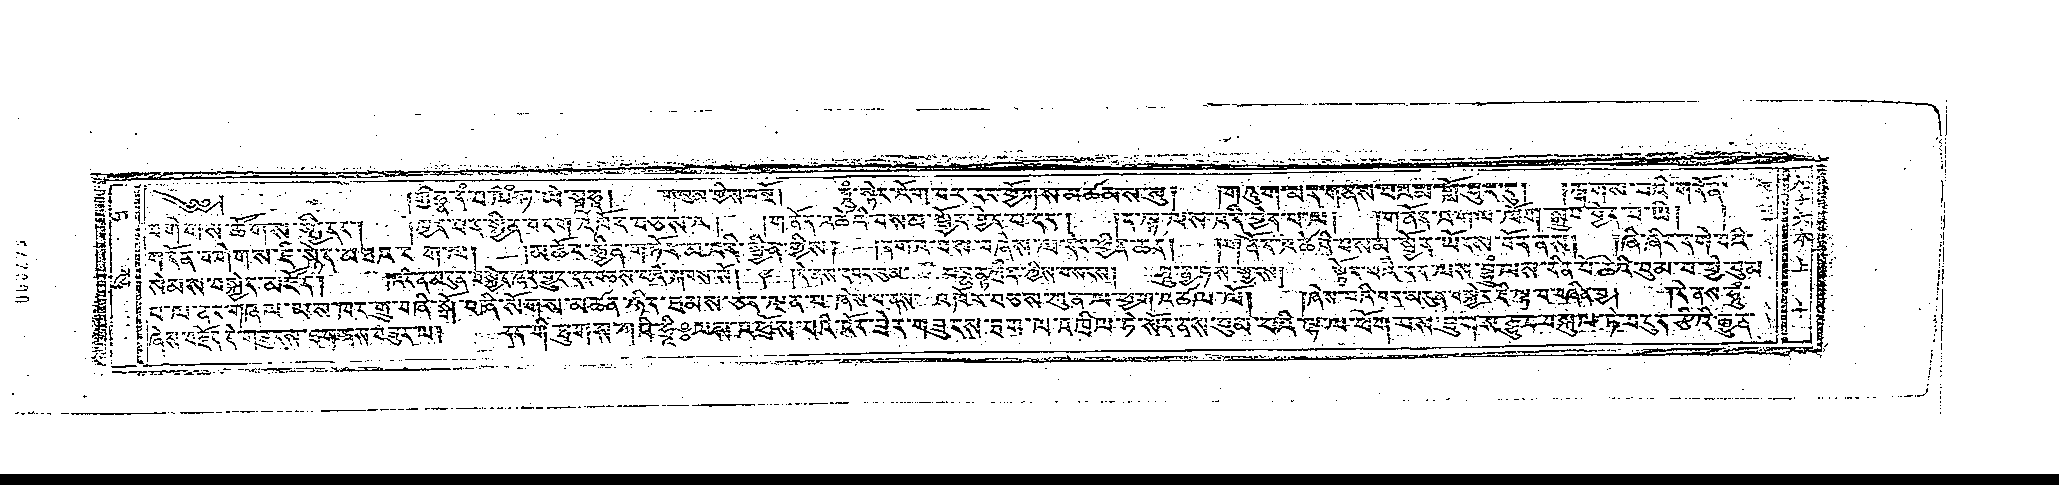༄༅། །གྲྀཏྣ་དཾ་བ་ལིཾ་ཏ་ཡེ་སྭཱཧཱ། གསུམ་གྱིས་བསྔོ། ཧཱུཾ་སྟེང་འོག་བར་དང་ཕྱོགས་མཚམས་སུ། །གཉུག་མ་ར་གནས་པའམ་གློ་བུར་དུ། །ལྷགས་བའི་གདོན་
བགེགས་ཚོགས་སྤྱི་དང་། །ཁྱད་པར་སྦྱིན་བདག་འཁོར་བཅས་ལ། །གནོད་འཚེའི་བསམ་སྦྱོར་བྱེད་པ་དང་། །ད་ལྟ་ལས་འདི་བྱེད་པ་ལ། །གནོད་འགལ་ཕག་སྒྲུབ་བྱང་པ་ཡི། །
གདོན་བགེགས་ཇི་སྙེད་མཐའ་དག་ལ། །མཆོད་སྦྱིན་གཏོར་མ་འདི་སྤྱིན་གྱིས། །དགའ་བས་བཞེས་ལ་དེང་ཕྱིན་ཆང་། །གནོད་འཚེའི་བསམ་སྦྱོར་ཡོངས་བོར་ནས། །ཞི་ཞིང་དགེ་པའི་
སེམས་བསྐྱེད་མཛོད། །འདི་ནི་མདུན་བསྐྱེད་ཞར་བྱུང་དང་བཅས་བའི་སྐབས་སོ། ༈ །དེ་ནས་དབང་བུམ། པདམ་ནྟཀྲཾད་ཀྱིས་བསང་བ། །ཤཱུ་རྒྱ་ཏས་སྦྱངས། །སྟོང་བའི་དང་ལས་བྷྲུཾ་ལས་རིན་པོ་ཆེའི་བུམ་པ་ཕྱི་བུམ་
པ་ལ་ནང་གཞལ་ཡས་ཁང་གྲུ་བཞི་སྒོ་བཞི་སོགས་མཚན་ཉིད་ཐམས་ཅད་ལྡན་པ་ཞེས་པ་ནས། འཁོར་བཅས་ཀུན་ལ་ཕྱག་འཚལ་ལོ། །ཞེས་པའི་བར་མདུན་བསྐྱེད་ཇི་ལྟ་བ་བཞིན་བྱ། །དེ་ནས་ཧཱུཾ་
ཞེས་བརྗོད་དེ་གཟུངས་ཐག་ནས་བཟུང་ལ། རང་གི་ཐུགས་ཀའི་ཧྲཱིཿ་ལས་འཕྲོས་པའི་འོད་ཟེར་གཟུངས་ཐག་ལ་འཁྲིལ་ཏེ་སོད་ནས་བུམ་པའི་ལྷ་ལ་ཕོག་པས་ཐུགས་རྒྱུད་བསྐུལ་ཏེ་བདུད་རྩིའི་རྒྱུན་